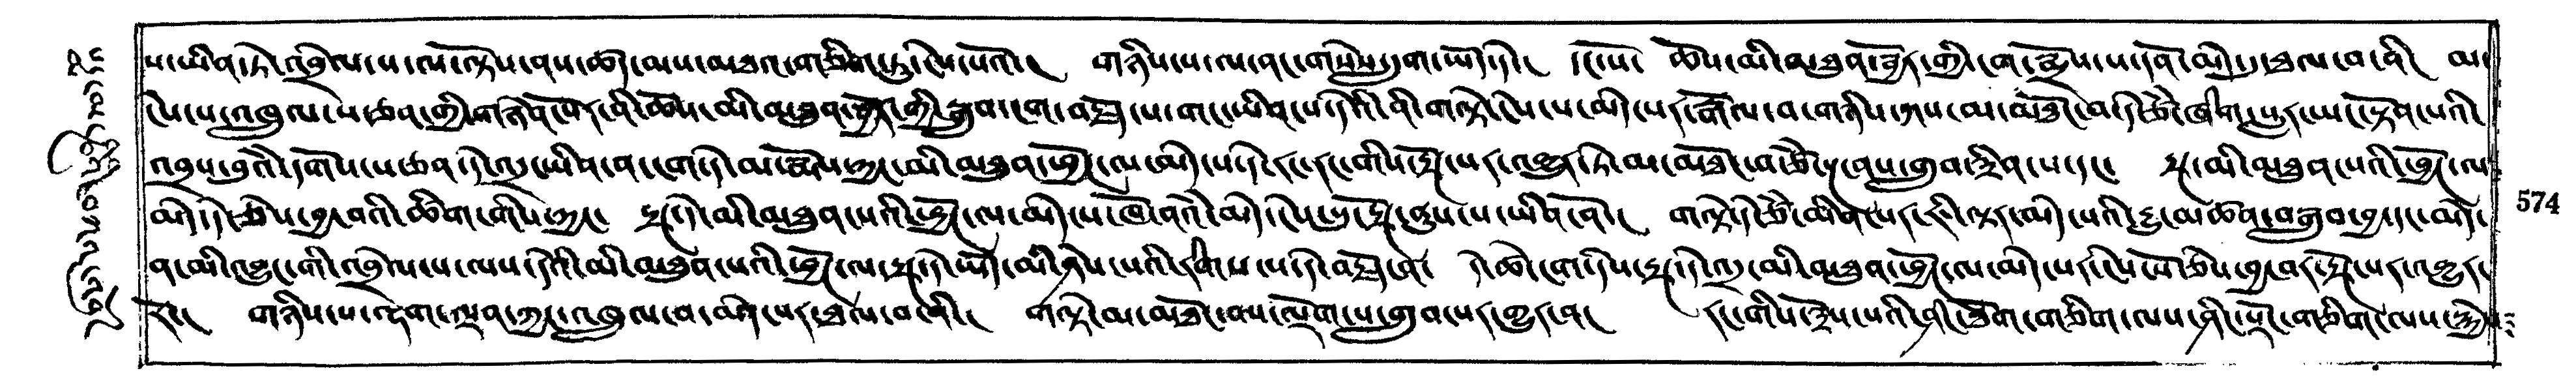པ་ཡིན་ཏེ་འབྲེལ་བ་ལ་ལྟོས་ནས་ཚད་མས་མཐའ་གཅིག་ཏུ་ངེས་པའོ།། གཉིས་པ་ལ་ནང་གསེས་དྲུག་ཡོད་དེ། དང་པོ། ཆོས་མི་མཐུན་སྦྱོར་གྱི་ངག་སྨྲོས་པ་དོན་མེད་དུ་ཐལ་བ་ནི། མ་
ངེས་པ་འཁྲུལ་པ་ཅན་གྱི་གཉེན་པོར་ནི་ཆོས་མི་མཐུན་སྦྱོར་གྱི་སྒྲུབ་ངག་བརྗོད་པ་གང་ཡིན་པ་དེ་ནི་གལ་ཏེ་ངེས་པ་མེད་པར་རྒོལ་བ་གཉིས་ཀས་མ་མཐོང་བ་དེ་ཙམ་ཞིག་སླར་ཡང་སྟོན་པའི་
འབྲས་བུའམ་དགོས་པ་ཅན་དེ་འདྲ་ཡིན་ན་ངག་དེ་མ་སྨོས་ཀྱང་མི་མཐུན་ཕྱོགས་ལ་མེད་པ་དེ་རང་རང་གིས་རྟོགས་པར་འགྱུར་ཏེ་མ་མཐོང་བ་ཙམ་སྔར་ནས་གྲུབ་ཟིན་པ་དང་། རྟགས་མི་མཐུན་པའི་ཕྱོགས་ལ་
མེད་དེ་ཞེས་བྱ་བའི་ཚིག་གིས་ཀྱང་། རྟགས་དེ་མི་མཐུན་པའི་ཕྱོགས་ལ་མེད་པ་ཁོ་ནའམ་མེད་ངེས་སུ་རྟོགས་ནུས་པ་ཡིན་ནོ།། གལ་ཏེ་དེ་ཙམ་མིན་པར་ཇི་ལྟར་མེད་པའི་རྒྱུ་མཚན་བསྒྲུབ་བྱ་དང་མེད་
ན་མི་འབྱུང་གི་འབྲེལ་བ་ལས་དེའི་མི་མཐུན་པའི་ཕྱོགས་ལ་རྟགས་དེ་ཡོད་མི་ཤེས་པའི་རིགས་པ་དེ་བརྗོད་ན། དེ་ཚེ་ངག་དེས་རྟགས་དེ་འདྲ་མི་མཐུན་ཕྱོགས་ལ་མེད་པར་ངེས་སོ་ཞེས་བྱ་བར་རྟོགས་པར་འགྱུར་
རོ།། གཉིས་པ་ལྷག་ལྡན་ཡང་འཁྲུལ་བ་མེད་པར་ཐལ་བ་ནི། གལ་ཏེ་མ་མཐོང་བས་ལྡོག་པ་གྲུབ་པར་འགྱུར་ན། རང་གིས་ཟོས་པའི་ཤིང་ཐོག་གཅིག་ལས་ཤིང་སྡོང་གཅིག་ལས་སྐྱེས་